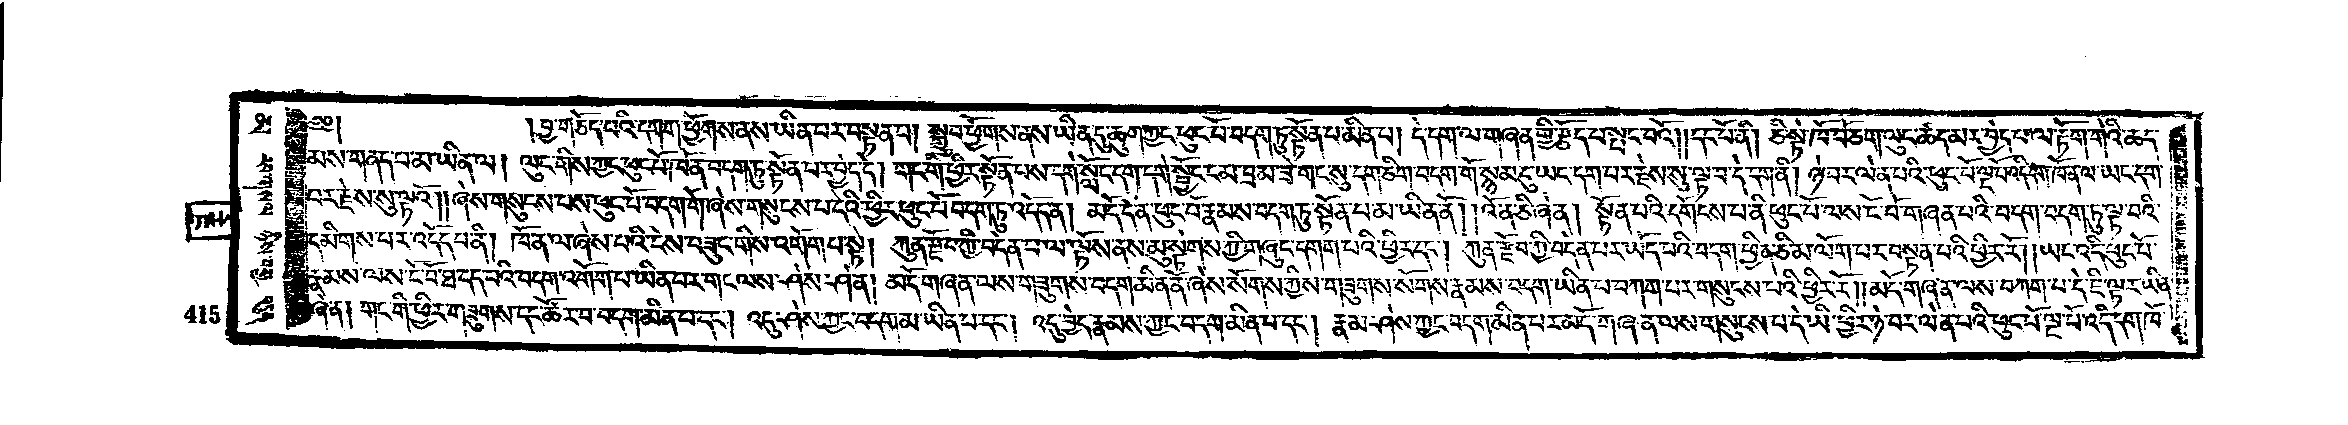༄༅། །བྱ་གཅོད་པའི་དགག་ཕྱོགས་ནས་ཡིན་པར་བསྟན་པ། སྒྲུབ་ཕྱོགས་ནས་ཡིན་དུ་ཆུག་ཀྱང་ཕུང་པོ་བདག་ཏུ་སྟོན་པ་མིན་པ། དེ་དག་ལ་གཞན་གྱི་རྩོད་པ་སྤང་བའོ། །དང་པོ་ནི། ཅི་སྟེ་ཁོ་བོ་ཅག་ལུང་ཚད་མར་བྱེད་པ་ལ་རྟོག་གེའི་ཚད་
མས་གནད་པ་མ་ཡིན་ལ། ལུང་གིས་ཀྱང་ཕུང་པོ་ཁོ་ན་བདག་ཏུ་སྟོན་པར་བྱེད་དེ། གང་གི་ཕྱིར་སྟོན་པས་དགེ་སློང་དག་དགེ་སྦྱོང་ངམ་བྲམ་ཟེ་གང་སུ་དག་ཅིག་བདག་གོ་སྙམ་དུ་ཡང་དག་པར་རྗེས་སུ་ལྟ་བ་དེ་དག་ནི། ཉེ་བར་ལེན་པའི་ཕུང་པོ་ལྔ་པོ་འདི་དག་ཁོ་ན་ལ་ཡང་དག་
པར་རྗེས་སུ་ལྟའོ། །ཞེས་གསུངས་པས་ཕུང་པོ་བདག་གོ་ཞེས་གསུངས་པ་དེའི་ཕྱིར་ཕུང་པོ་བདག་ཏུ་འདོད་ན། མདོ་དེ་ན་ཕུང་པོ་རྣམས་བདག་ཏུ་སྟོན་པ་མ་ཡིན་ནོ། །འོ་ན་ཅི་ཞེ་ན། སྟོན་པའི་དགོངས་པ་ནི་ཕུང་པོ་ལས་ངོ་བོ་གཞན་པའི་བདག་བདག་ཏུ་ལྟ་བའི་
དམིགས་པར་འདོད་པ་ནི། ཁོ་ན་ལ་ཞེས་པའི་ངེས་བཟུང་གིས་འགོག་པ་སྟེ། ཀུན་རྫོབ་ཀྱི་བདེན་པ་ལ་ལྟོས་ནས་མུ་སྟེགས་ཀྱི་གཞུང་དགག་པའི་ཕྱིར་དང་། ཀུན་རྫོབ་ཀྱི་བདེན་པར་ཡོད་པའི་བདག་ཕྱིན་ཅི་མ་ལོག་པར་བསྟན་པའི་ཕྱིར་རོ། །ཡང་འདི་ཕུང་པོ་
རྣམས་ལས་ངོ་བོ་ཐ་དད་པའི་བདག་འགོག་པ་ཡིན་པར་གང་ལས་ཤེས་ཤེ་ན། མདོ་གཞན་ལས་གཟུགས་བདག་མིན་ནོ་ཞེས་སོགས་ཀྱིས་གཟུགས་སོགས་རྣམས་བདག་ཡིན་པ་བཀག་པར་གསུངས་པའི་ཕྱིར་རོ། །མདོ་གཞན་ལས་བཀག་པ་དེ་ཇི་ལྟར་ཡིན་
ཞེ་ན། གང་གི་ཕྱིར་གཟུགས་དང་ཚོར་བ་བདག་མིན་པ་དང་། འདུ་ཤེས་ཀྱང་བདག་མ་ཡིན་པ་དང་། འདུ་བྱེད་རྣམས་ཀྱང་བདག་མིན་པ་དང་། རྣམ་ཤེས་ཀྱང་བདག་མིན་པར་མདོ་གཞན་ལས་གསུངས་པ་དེ་ཡི་ཕྱིར་ཉེ་བར་ལེན་པའི་ཕུང་པོ་ལྔ་པོ་འདི་དག་ཁོ་